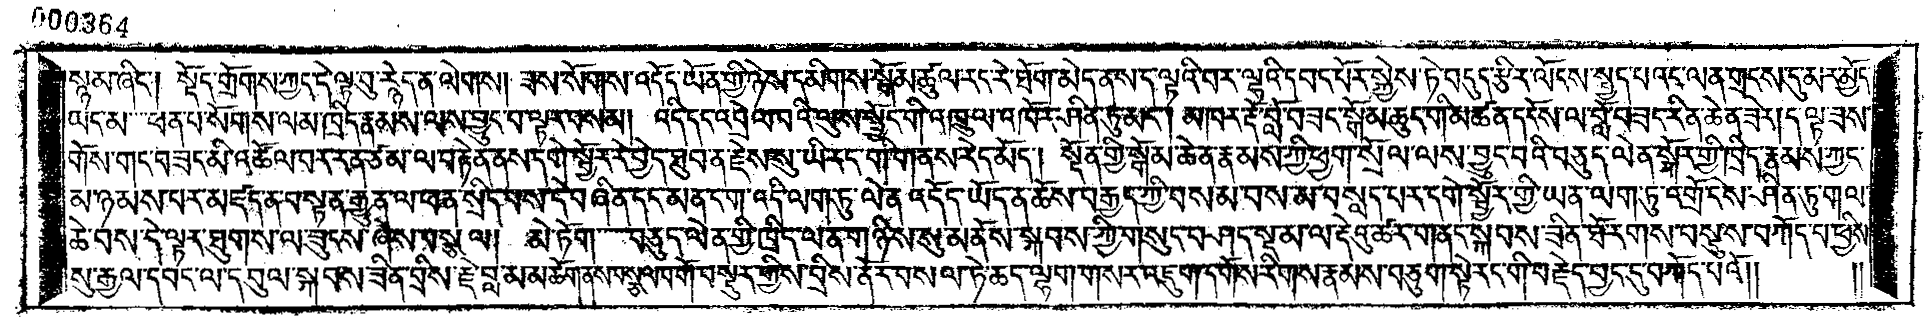སྙམ་ཞིང་། སྡོད་གྲོགས་ཀྱང་དེ་ལྟ་བུ་རྙེད་ན་ལེགས། ཟས་སོགས་འདོད་ཡོན་གྱི་ཉེས་དམིགས་སྒོམ་ཚུལ་རང་རེ་ཐོག་མེད་ནས་ད་ལྟའི་བར་ལྷའི་དབང་པོར་སྐྱེས་ཏེ་བདུད་རྩིར་ལོངས་སྤྱད་པའང་ལན་གྲངས་དུ་མར་མྱོང་
ཡང་མ་ཕན་པ་སོགས་ལམ་ཁྲིད་རྣམས་ལས་བྱུང་བ་ལྟར་བསམ། འདི་དང་འབྲེལ་བའི་ལུས་སྦྱོང་གི་འཁྲུལ་འཁོར་ཤིན་ཏུ་མང་། མཁར་རྡོ་བློ་བཟང་སྒོམ་ཆུང་གི་མཚན་དངོས་ལ་བློ་བཟང་རིན་ཆེན་ཟེར། ད་ལྟ་ཟས་
གོས་གང་བཟང་མི་འཚོལ་བར་རན་ཙམ་ལ་བརྟེན་ནས་དགེ་སྦྱོར་རེ་བྱེད་ཐུབ་ན་རྗེས་སུ་ཡི་རང་གི་གནས་རེད་མོད། སྔོན་གྱི་སྒོམ་ཆེན་རྣམས་ཀྱི་ཕྱག་སྲོལ་ལས་བྱུང་བའི་བཅུད་ལེན་སྐོར་གྱི་ཁྲིད་རྣམས་ཀྱང་
མ་ཉམས་པར་མཛད་ན་བསྟན་རྒྱུན་ལ་ཕན་སྲིད་པས་དེ་བཞིན་དང་མན་ངག་འདི་ལག་ཏུ་ལེན་འདོད་ཡོད་ན་ཆོས་བརྒྱད་ཀྱི་བསམ་བས་མ་བསླད་པར་དགེ་སྦྱོར་གྱི་ཡན་ལག་ཏུ་འགྲོ་ངེས་ཤིན་ཏུ་གལ་
ཆེ་བས་དེ་ལྟར་ཐུགས་ལ་ཟུངས་ཞེས་བསྩལ། མེ་ཏོག་བཅུད་ལེན་གྱི་ཁྲིད་ལན་གཉིས་སུ་མནོས་སྐབས་ཀྱི་གསུང་བཤད་སྔ་མ་ལ་རྡེའུ་ཚར་གནང་སྐབས་ཟིན་ཐོ་རགས་བསྡུས་བཀོད་པ་ཕྱིས་
སུ་རྒྱལ་དབང་ལ་དབུལ་སྐབས་ཟིན་བྲིས་རྗེ་བླ་མ་མཆོག་ནས་བསྩལ་བ་གོ་བསྡུར་གྱིས་བྲིས་ནོར་བསལ་ཏེ་ཆད་ལྷག་གསར་འཇུག་དགོས་རིགས་རྣམས་བཅུག་སྟེ་རང་གི་བརྗེད་བྱང་དུ་བཀོད་པའོ།། །།